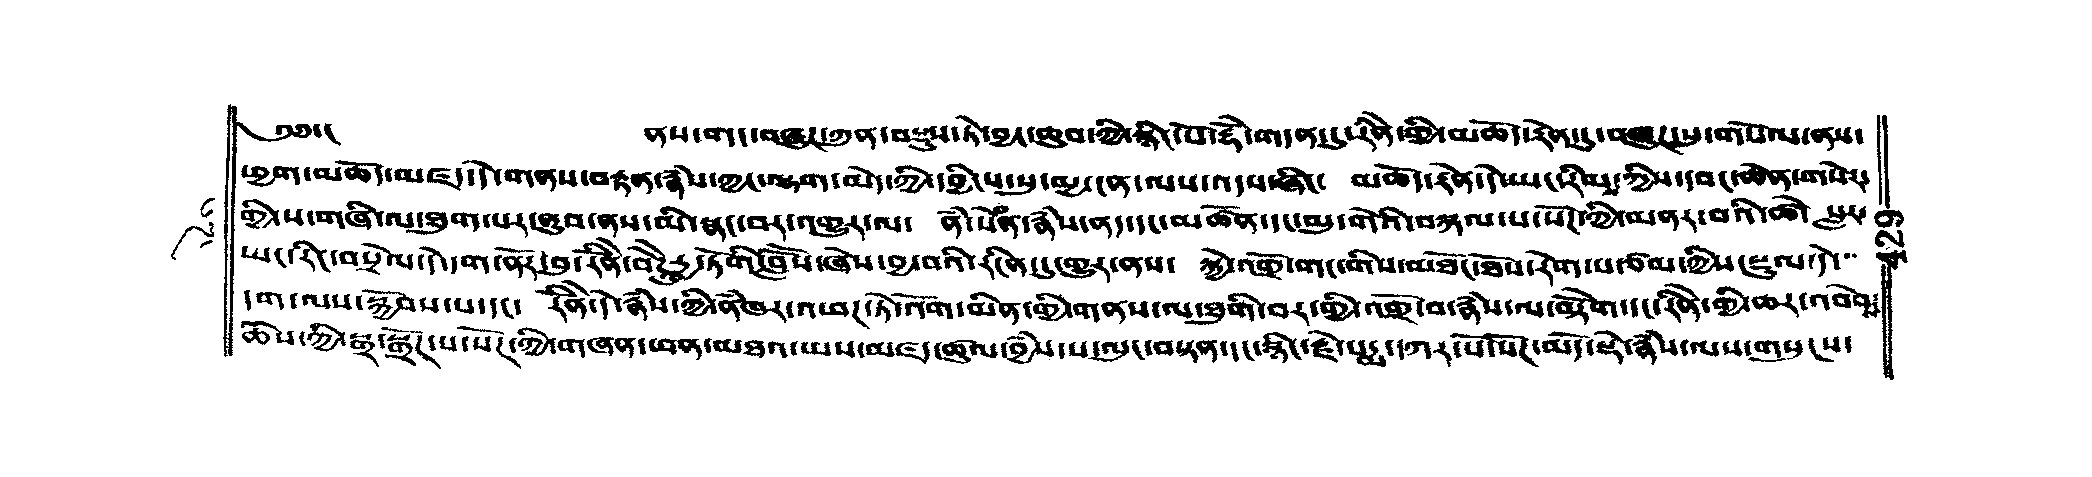ནས་གང་བཞུགས་ཀུན་བསྡུས་ཏེ་བྱང་ཆུབ་ཀྱི་སྙིང་པོ་རྡོ་རྗེ་གདན་དུ་རིན་ཆེན་གྱི་མཆོད་རྟེན་དུ་བཞུགས་སུ་གསོལ་ནས་
ཕྱག་མཆོད་མཛད་དེ་གནས་བརྟན་རྣམས་ཀྱང་ལྷག་མེད་ཀྱི་དབྱིངས་སུ་མྱ་ངན་ལས་འདས་ཤིང་། མཆོད་རྟེན་དེ་ཡང་རིམ་གྱིས་དབང་ཆེན་གསེར་
གྱི་ས་གཞི་ལ་ཐུག་པར་ནུབ་ནས་མི་སྣང་བར་འགྱུར་ལ། ནམ་སེམས་ཅན་རྣམས་ནད་དང་མཚོན་དང་མུ་གེའི་བསྐལ་པ་སོགས་ཀྱི་མནར་བའི་ཚེ། སླར་
ཡང་རིང་བསྲེལ་དེ་དག་ནོར་བུ་རིན་པོ་ཆེ་བཻ་ཌཱུརྻ་ཏོག་གི་བློ་གྲོས་ཞེས་བྱ་བའི་རང་བཞིན་དུ་གྱུར་ནས། སྐྱེ་འགྲོ་གང་གིས་མཐོང་ཐོས་རེག་པ་ཙམ་གྱིས་སྡུག་བསྔལ་དེ་
དག་ལས་སྐྱོབ་པ་དང་།རིན་པོ་ཆེ་དེ་རྣམས་ནམ་མཁར་འཕགས་ཏེ་འོག་མིན་གྱི་གནས་ལ་ཐུག་གི་བར་གྱི་འགྲོ་བ་རྣམས་ལ་མེ་ཏོག་དང་རིན་ཆེན་གྱི་ཆར་འབེབས། 
ཆོས་ཀྱི་སྒྲ་སྒྲོག་པ་སོགས་ཀྱི་གཞན་ཕན་མཐའ་ཡས་མཛད་ཚུལ་བྱམས་པ་ལུང་བསྟན་དང་སྙིང་རྗེ་པདྨ་དཀར་པོ་སོགས་མདོ་སྡེ་རྣམས་ལས་གསུངས་